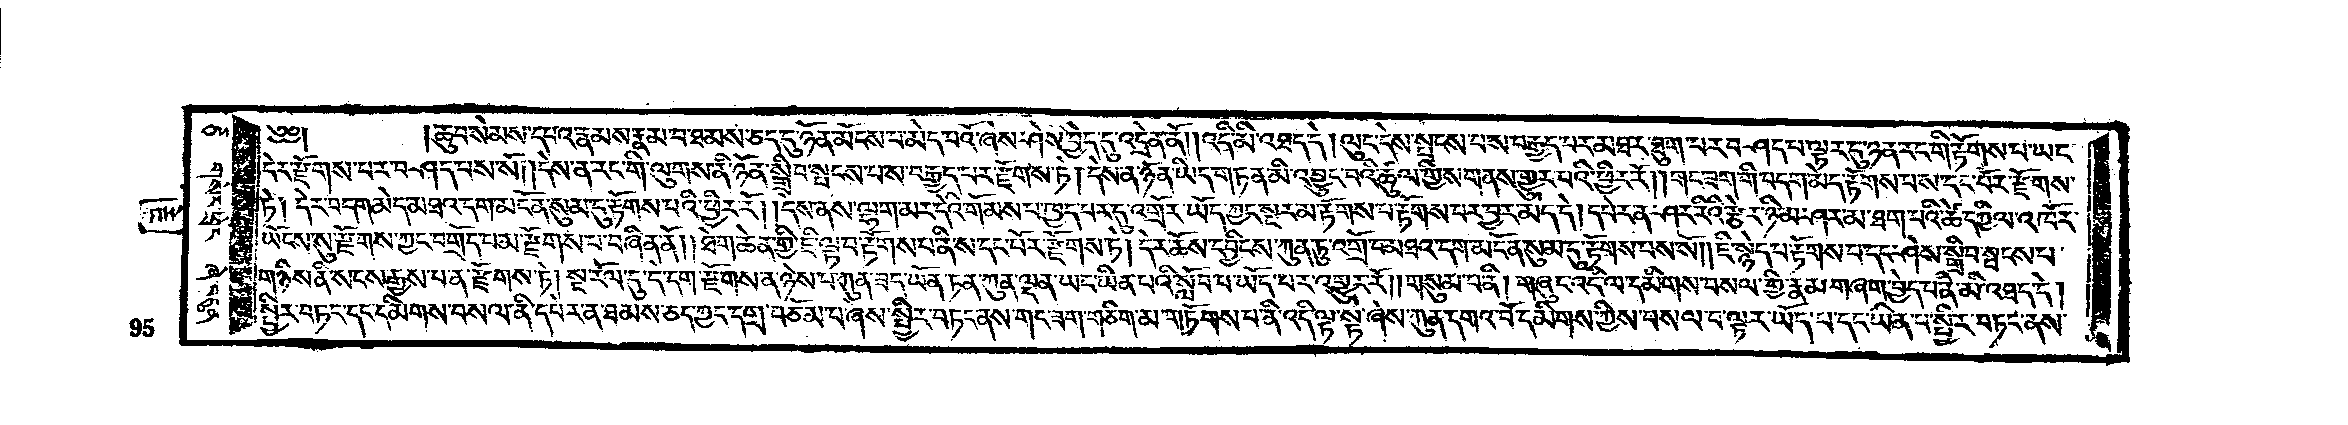༄༅། །ཆུབ་སེམས་དཔའ་རྣམས་རྣམ་པ་ཐམས་ཅད་དུ་ཉོན་མོངས་པ་མེད་པའོ་ཞེས་ཤེས་བྱེད་དུ་འདྲེན་ནོ། །འདི་མི་འཐད་དེ། ལུང་དེས་སྤངས་པ་ས་བརྒྱད་པར་མཐར་ཐུག་པར་བཤད་པ་ལྟར་དུ་ཉན་རང་གི་རྟོགས་པ་ཡང་
དེར་རྫོགས་པར་བཤད་པས་སོ། །དེས་ན་རང་གི་ལུགས་ནི་ཉོན་སྒྲིབ་སྤངས་པས་བརྒྱད་པར་རྫོགས་ཏེ། དེས་ན་ཉོན་ཡིད་གཏན་མི་འབྱུང་བའི་ཚུལ་གྱིས་གནས་གྱུར་པའི་ཕྱིར་རོ། །གང་ཟག་གི་བདག་མེད་རྟོགས་པས་དང་པོར་རྫོགས་
ཏེ། དེར་བདག་མེད་མཐའ་དག་མངོན་སུམ་དུ་རྟོགས་པའི་ཕྱིར་རོ། །དེས་ནས་ལྷག་མར་དེའི་གོམས་པ་ཁྱད་པར་དུ་འགྲོར་ཡོད་ཀྱང་སྔར་མ་རྟོགས་པ་རྟོགས་པར་བྱར་མེད་དེ། དཔེར་ན་ཤར་རིའི་རྩེར་ཉི་མ་ཤར་མ་ཐག་པའི་ཚེ་དཀྱིལ་འཁོར་
ཡོངས་སུ་རྫོགས་ཀྱང་བགྲོད་པ་མ་རྫོགས་པ་བཞིན་ནོ། །ཐེག་ཆེན་གྱི་ཇི་ལྟ་བ་ནི་ས་དང་པོར་རྫོགས་ཏེ། དེར་ཆོས་དབྱིངས་ཀུན་ཏུ་འགྲོ་བ་མཐའ་མངོན་སུམ་དུ་རྟོགས་པས་སོ། །ཇི་སྙེད་པ་རྟོགས་པ་དང་ཤེས་སྒྲིབ་སྤངས་པ་
གཉིས་ནི་སངས་རྒྱས་པ་ན་རྫོགས་ཏེ། སྔ་རོལ་ཏུ་དེ་དག་རྫོགས་ན་ཉས་པ་ཀུན་ཟད་ཡོན་ཡན་ལྡན་ཡང་ཡིན་པའི་སློབ་པ་ཡོད་པར་འགྱུར་རོ། །གསུམ་པ་ནི། གཞུང་འདི་ལ་དམིགས་བསལ་རྣམ་གཞག་བྱེད་པ་ནི་མི་འཐད་དེ།
སྤྱིར་བཏང་དང་དམིགས་བསལ་ནི་དཔེར་ན་ཐམས་ཅད་ཀྱང་དགྲ་བཅོམ་པ་ཞེས་སྤྱིར་བཏང་ནས་གང་ཟག་གཅིག་མ་གཏོགས་པ་ནི་འདི་ལྟ་སྟེ་ཞེས་ཀུན་དགའ་བོ་དམིགས་ཀྱིས་བསལ་བ་ལྟར་ཡོད་པ་དང་ཡིན་པ་སྤྱིར་བཏང་ནས་